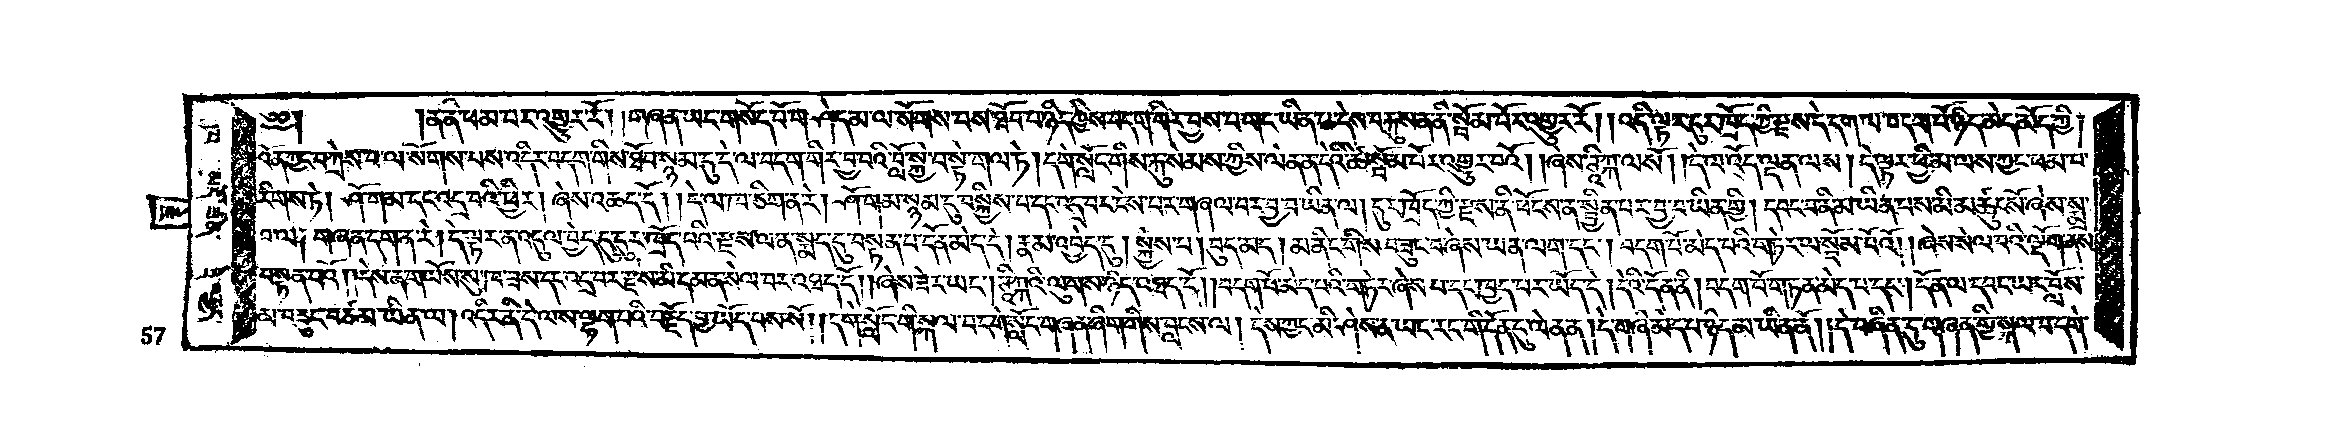༄༅། །ན་ནི་ཕམ་པར་འགྱུར་རོ། །གཞན་ཡང་གསོད་པོ་གཤེད་མ་ལ་སོགས་པས་ཐོབ་པ་ཉིད་ཀྱིས་བདག་གིར་བྱས་པ་གང་ཡིན་པ་དེས་བརྐུས་ན་ནི་སྦོམ་པོར་འགྱུར་རོ། །འདི་ལྟར་དུར་ཁྲོད་ཀྱི་རྫས་དེ་དག་ལ་བདག་པོ་ཉིད་མེད་མོད་ཀྱི།
འོན་ཀྱང་བཀྲེས་པ་ལ་སོགས་པས་འདིར་བདག་གིས་ཐོབ་སྙམ་དུ་དེ་ལ་བདག་གིར་བྱ་བའི་བློ་སྐྱེ་བ་སྟེ་གལ་ཏེ། དགེ་སློང་གིས་རྐུ་སེམས་ཀྱིས་ལེན་ན་དེའི་ཚེ་སྦོམ་པོར་འགྱུར་བའོ། །ཞེས་ཊཱིཀྐ་ལས་སོ། །དེ་ལ་འོད་ལྡན་ལས། དེ་ལྟར་ཕྱི་མ་ལས་ཀྱང་ཕམ་པ་
རིགས་ཏེ། ཤོ་གམ་དང་འདྲ་བའི་ཕྱིར། ཞེས་འཆད་དོ། །དེ་ལ་ཁ་ཅིག་ན་རེ། ཤོ་གམ་སྙམ་དུ་བསྐྱིས་པ་དང་འདྲ་བར་ངེས་པར་གཞལ་བར་བྱ་བ་ཡིན་ལ། དུར་ཁྲོད་ཀྱི་རྫས་ནི་ཕོངས་ན་སྦྱིན་པར་བྱ་བ་ཡིན་གྱི། དབང་བ་ནི་མ་ཡིན་པས་མི་མཚུངས་སོ་ཞེས་སྨྲ་
བ་ལ། གཞན་དག་ན་རེ། དེ་ལྟར་ན་འདུལ་བྱེད་དུ་དུར་ཁྲོད་པའི་རྫས་ལ་ན་སྨད་དུ་བསྟན་པ་དོན་མེད་དེ། རྣམ་འབྱེད་དུ། སྐྱེས་པ། བུད་མད། མ་ནིང་གིས་བཟུང་བ་ཞེས་ཡན་ལག་དང་། བདག་པོ་མེད་པའི་གཏེར་ལ་སྦོམ་པོའོ། །ཞེས་སེལ་བའི་ལྡོག་ནས་
བསྟན་པའོ། །དེས་ན་གཡོས་སུ་ཁ་ཟས་དང་འདྲ་བར་རྫས་མི་དམན་སེལ་བར་འཐད་དོ། །ཞེས་ཟེར་ཡང་། ཊཱིཀྐའི་ལུགས་ཉིད་འཐད་དོ། །བདག་པོ་མེད་པའི་གཏེར་ཞེས་པ་དང་ཁྱད་པར་ཡོད་དེ། དེའི་དོན་ནི། བདག་པོ་གཏན་མེད་པ་དང་། དོན་ལ་དབང་ཡང་བློས་
མ་བཟུང་བ་ཙམ་ཡིན་ལ། འདིར་ནི་དེ་ལས་ལྷག་པའི་བརྗོད་བྱ་ཡོད་པས་སོ། །དགེ་སློང་གི་སྐལ་བ་དག་སློང་གཞན་ཞིག་གིས་བླངས་ལ། དེས་ཀྱང་མི་ཤེས་ན་ཡང་རང་གི་དོན་དུ་ལེན་ན། དེ་གཞི་མེད་པ་ཉིད་མ་ཡིན་ནོ། །དེ་བཞིན་དུ་གཞན་གྱི་སྐལ་བ་དགེ་